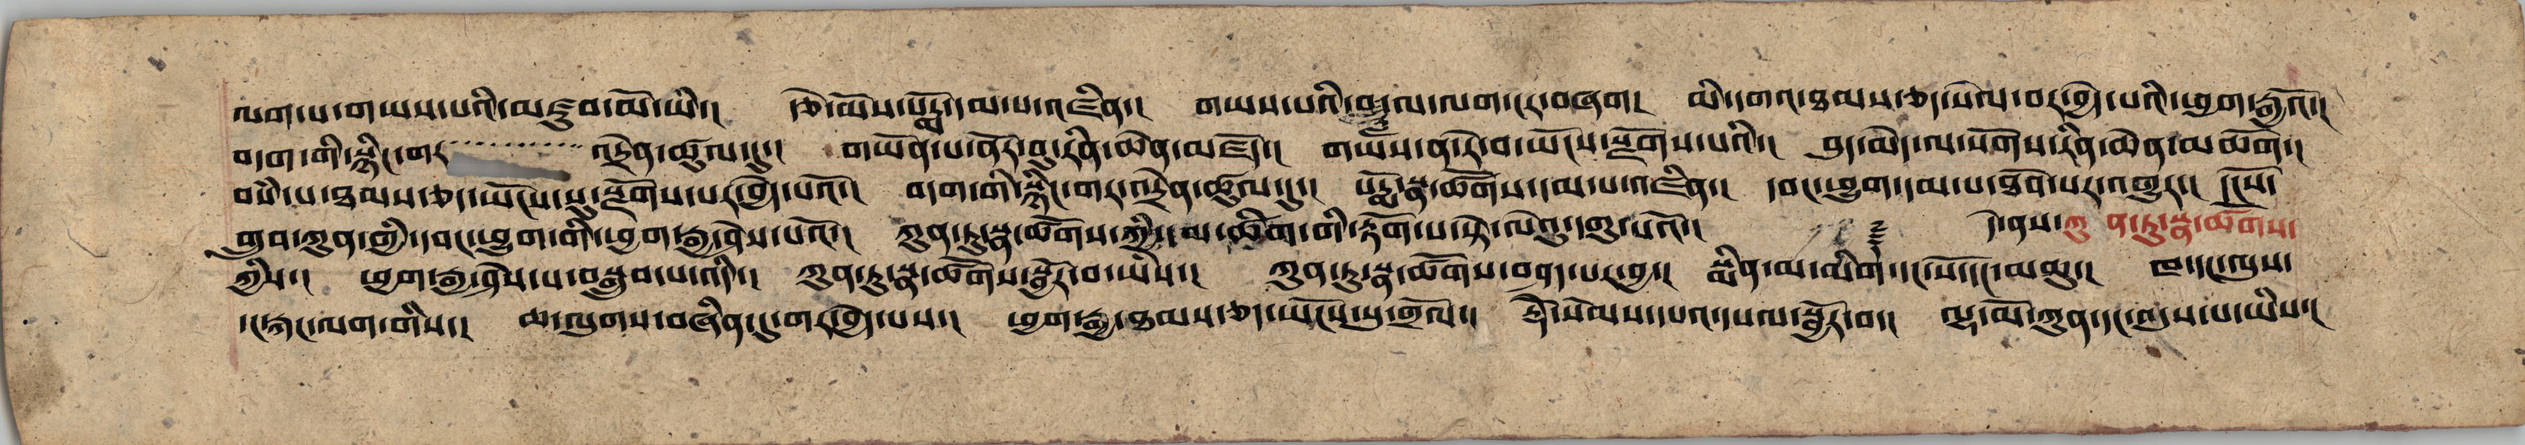ལག་པ་གཡས་པའི་མཛུབ་མོ་ཡི་། རྩེ་མོས་པདྨོ་དམ་པ་འཛིན་། གཡས་པའི་བླ་མ་ལག་ངར་བཞག། མི་དགའ་ཐམས་ཅད་སེལ་བར་བྱེད་པའི་ཕྱག་རྒྱའོ་།
བདག་གི་སྙིང་གར འདྲེན་ཚུལ་དུ་། གཡོན་པ་ནོར་བུ་རིན་ཆེན་མཛོད་། གཡས་ན་རེ་བ་ཡོངས་སྫོགས་པའི་། བུད་མེད་ལ་སོགས་རིན་ཆེན་མཆོག་།
བསཾ་པ་ཐམས་ཅད་ཡོངས་སུ་སྫོགས་པར་བྱེད་པའོ་། བདག་གི་སྙིང་གར་འདྲེན་ཚུལ་དུ་། པདྨོ་སྣ་ཚོགས་དམ་པ་འཛིན་། དབང་ཕྱུག་དམ་པ་ཐོབ་པར་འགྱུར་། དངོས་
གྲུབ་ཀུན་གྱི་དབང་ཕྱུག་གི་ཕྱག་རྒྱ་ཤེས་པའོ་། ཀུན་ཏུ་སྣ་ཚོགས་ཀྱི་ཚིག་གི་རྟོག་པ་སྟེ་ལེའུ་དགུ་པའོ་། ࿑ དེ་ནས་ཀུན་ཏུ་སྣ་ཚོགས་
ཀྱིས་། ཕྱག་རྒྱ་ཤེས་པ་བསྒྲུབ་པ་འདི་། ཀུན་ཏུ་སྣ་ཚོགས་སྦྱོར་བ་ཡིས་། ཀུན་ཏུ་སྣ་ཚོགས་བཤད་པར་བྱ་། སྨིན་མ་མིག་དང་སོ་དང་མཆུ་། ཁ་དང་ལུས་
དང་རྐང་ལག་གིས་། ཆ་ལུགས་བཞིན་དུ་གར་བྱེད་པས་། ཕྱག་རྒྱ་ཐམས་ཅད་ཡོངས་སུ་གྲོལ་། རྡོེ་སེམས་དཔའ་དཔལ་སྦྱོར་བ་། ལྷ་མོ་ཀུན་དང་འདུས་པ་ཡིས་།